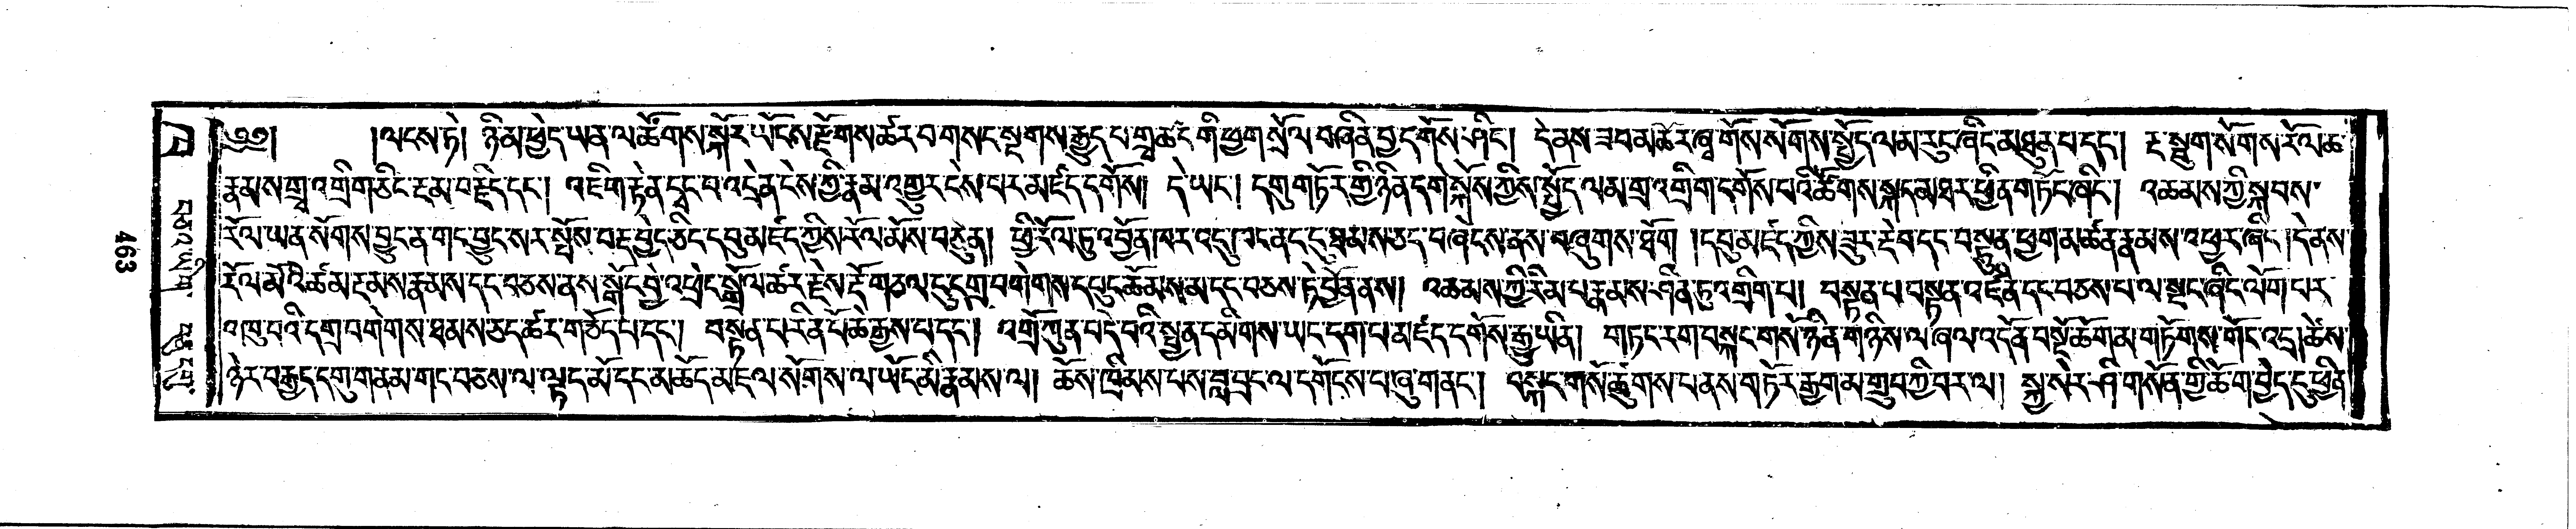༄༅། །ལངས་ཏེ། ཉི་མ་ཕྱེད་ཡན་ལ་ཚོགས་སྐོར་ཡོངས་རྫོགས་ཚར་བ་གསང་སྔགས་རྒྱུད་པ་གྲྭ་ཚང་གི་ཕྱག་སྲོལ་བཞིན་བྱ་དགོས་ཤིང་། དེ་ནས་ཟབ་མཆོར་ཞྭ་གོས་སོགས་སྤྱོད་ལམ་རུང་ཞིང་མཐུན་པ་དང་། རྔ་སྦུག་སོགས་རོལ་ཆ་
རྣམས་གྲྭ་འགྲིག་ཅིང་རྔམ་བརྗིད་དང་། འཇིག་རྟེན་དྭང་བ་འདྲེན་ངེས་ཀྱི་རྣམ་འགྱུར་ངེས་པར་མཛད་དགོས། དེ་ཡང་། དགུ་གཏོར་གྱི་ཉིན་དགེ་སྐོས་ཀྱིས་སྤྱོད་ལམ་གྲ་འགྲིག་དགོས་པའི་ཚོགས་སྐད་མཐར་ཕྱིན་གཏོང་ཞིང་། འཆམས་ཀྱི་སྐབས་
རོལ་ཡན་སོགས་བྱུང་ན་གང་བྱུང་སར་སྤོས་བརྡ་བྱེད་ཅིང་དབུ་མཛད་ཀྱིས་རོལ་མོས་བཅུན། ཕྱི་རོལ་ཏུ་འབྱོན་ཁར་འདུ་ཁང་ནང་དུ་ཐམས་ཅད་བཞེངས་ནས་བཞུགས་ཐོག །དབུ་མཛད་ཀྱིས་ཟུར་རྡེབ་དང་བསྟུན་ཕྱག་མཚན་རྣམས་འཕྱར་ཞིང་།དེ་ནས་
རོལ་མོའི་ཚམ་རྔམས་རྣམས་དང་བཅས་ནས་སྒོ་དབྱེ་འཕྲེང་སྒྲོལ་ཚར་རྗེས་རྡོ་གཅལ་དུ་དགྲ་བགེགས་དཔུང་ཆོམས་མ་དང་བཅས་ཏེ་བྱོན་ནས། འཆམས་ཀྱི་རིམ་པ་རྣམས་ཤིན་ཏུ་འགྲིག་པ། བསྟན་པ་བསྟན་འཛིན་དང་བཅས་པ་ལ་སྡང་ཞིང་ལོག་པར་
འཁུ་བའི་དགྲ་བགེགས་ཐམས་ཅད་ཚར་གཅོད་པ་དང་། བསྟན་པ་རིན་པོ་ཆེ་རྒྱས་པ་དང་། འགྲོ་ཀུན་བདེ་བའི་སྤྱན་དམིགས་ཡང་དག་པ་མཛད་དགོས་རྒྱུ་ཡིན། གཏང་རག་བསྐང་གསོ་ཉིན་གཉིས་ལ་ཞལ་འདོན་བསྔོ་ཆོག་མ་གཏོགས་གོང་འདྲ། ཚེས་
ཉེར་བརྒྱད་དགུ་གནམ་གང་བཅས་ལ་ལྟད་མོ་དང་མཆོད་མཇལ་སོགས་ལ་ཡོད་མི་རྣམས་ལ། ཆོས་ཁྲིམས་པས་བླ་བྲང་ལ་དགོངས་པ་ཞུ་གནང་། བསྐད་གསོ་ཚུགས་པ་ནས་གཏོར་རྒྱག་མ་གྲུབ་ཀྱི་བར་ལ། སྐྱ་སེར་ཤི་གསོན་གྱི་ཆོ་ག་བྱེད་དུ་ཕྱིན་